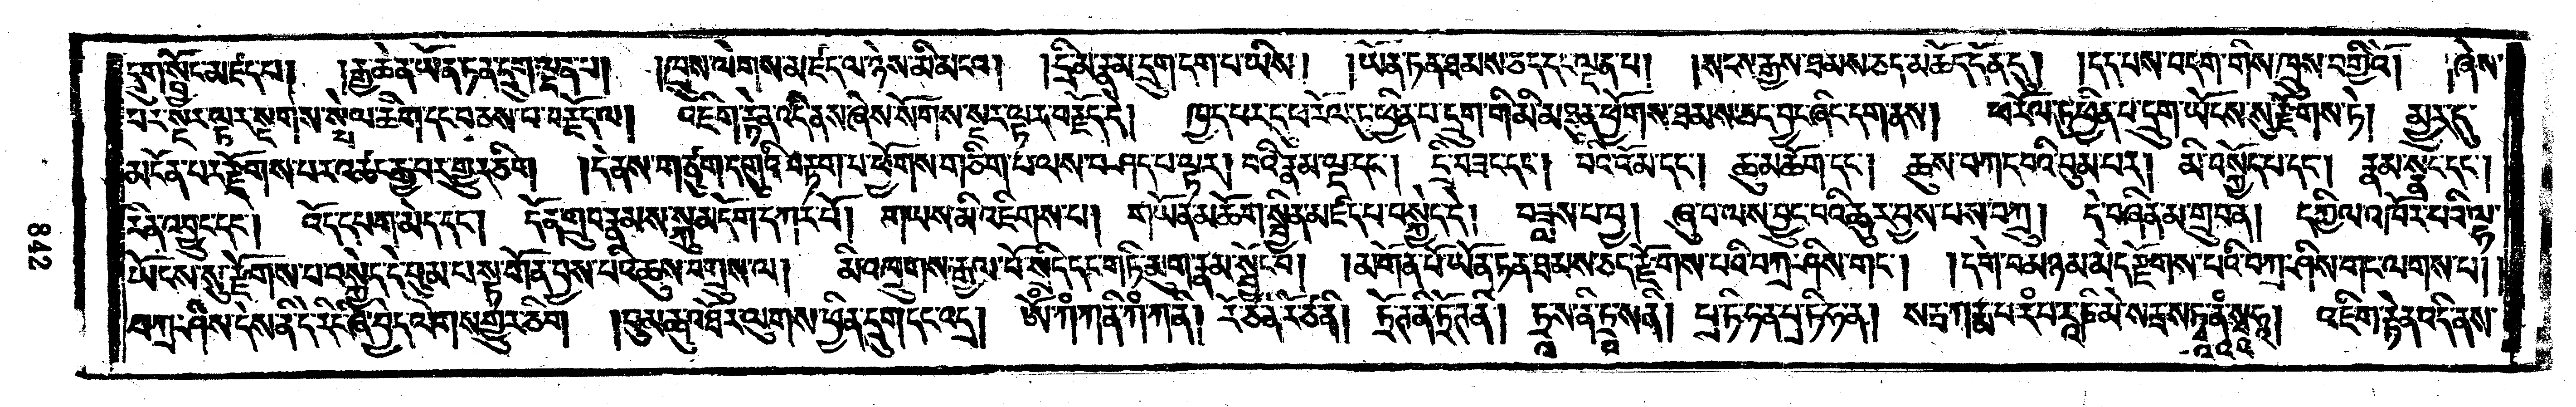དྲུག་སྦྱོང་མཛད་པ། །རྒྱ་ཆེན་ཡོན་ཏན་དྲུག་ལྡན་པ། །ཁྲུས་ལེགས་མཛད་ལ་ཉེས་མི་མངའ། །དྲི་མ་རྣམ་དྲུག་དག་པ་ཡིས། །ཡོན་ཏན་ཐམས་ཅད་དང་ལྡན་པ། །སངས་རྒྱས་ཐམས་ཅད་མཆོད་དོན་དུ། །དད་པས་བདག་གིས་ཁྲུས་བགྱིའོ། །ཞེས་
པར་སྔར་ལྟར་སྔགས་སྤེལ་ཆིག་དང་བཅས་པ་བརྗོད་ལ། འཇིག་རྟེན་འདི་ནས་ཞེས་སོགས་སྔར་ལྟར་བརྗོད་དེ། །ཁྱད་པར་དུ་ཕ་རོལ་ཏུ་ཕྱིན་པ་དྲུག་གི་མི་མཐུན་ཕྱོགས་ཐམས་ཅད་བྱང་ཞིང་དག་ནས། ཕ་རོལ་ཏུ་ཕྱིན་པ་དྲུག་ཡོངས་སུ་རྫོགས་ཏེ། མྱུར་དུ་
མངོན་པར་རྫོགས་པར་འཚང་རྒྱ་བར་གྱུར་ཅིག །དེ་ནས་གཙུག་དགུའི་བརྟག་པ་ཕྱོགས་གཅིག་པ་ལས་བཤད་པ་ལྟར། བའི་རྣམ་ལྔ་དང་། དྲི་བཟང་དང་། བའི་འོ་མ་དང་། ཆུ་མཆོག་དང་། ཆུས་བཀང་བའི་བུམ་པར། མི་བསྐྱོད་པ་དང་། རྣམ་སྣང་དང་།
རིན་འབྱུང་དང་། འོད་དཔག་མེད་དང་། དོན་གྲུབ་རྣམས་སྐུ་མདོག་དཀར་པོ། གཡས་མི་འཇིགས་པ། གཡོན་མཆོག་སྦྱིན་མཛད་པ་བསྐྱེད་དེ། བཟླས་པ་བྱ། ཞུ་བ་ལས་བྱུང་བའི་ཆུར་བྱས་པས་བཀུར། །དེ་བཞིན་མ་གྲུབ་ན། དཀྱིལ་འཁོར་བའི་ལྷ་
ཡོངས་སུ་རྫོགས་པ་བསྐྱེད་དེ་བུམ་པ་སྟ་གོན་བྱས་པའི་ཆུས་འགྲུས་ལ། མི་འཁྲུགས་རྒྱལ་པོ་སྲིད་དང་གཏི་མུག་རྣམ་སྦྱོང་བ། །མགོན་པོ་ཡོན་ཏན་ཐམས་ཅད་རྫོགས་པའི་བཀྲ་ཤིས་གང་། །དགེ་བ་མཉམ་མེད་རྫོགས་པའི་བཀྲ་ཤིས་གང་ལགས་པ།།
བཀྲ་ཤིས་དེས་ནི་དེ་རིང་ཞི་བྱེད་ལེགས་གྱུར་ཅིག །བུམ་ཆུ་འཐོར་ལུགས་ཕྱིན་དྲུག་དང་འདྲ། ཨོཾ་ཀཾ་ཀ་ནི་ཀཾ་ཀ་ནི། རོ་ཙ་ནི་རོ་ཙ་ནི། ཏྲོ་ཊ་ནི་ཏྲོ་ཊ་ནི། ཏྲཱ་ས་ནི་ཏྲཱ་ས་ནི། པྲ་ཏི་ཧ་ན་པྲ་ཏི་ཧ་ན། སརྦ་ཀརྨ་པ་རཾ་པ་རཱ་ཎི་མེ་སརྦ་སཏྭཱ་ནཱཾ་སྭཱཧཱ། འཇིག་རྟེན་འདི་ནས་